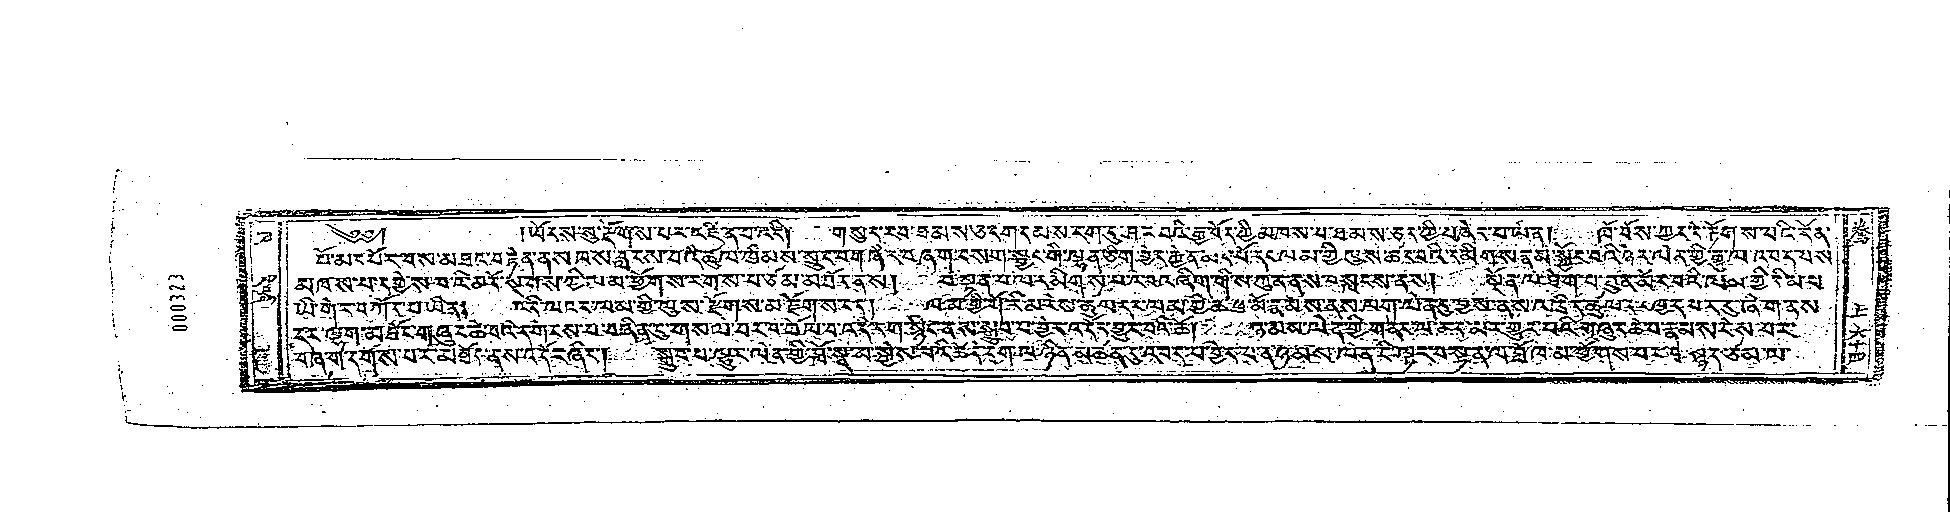༄༅། །ཡོངས་སུ་རྫོགས་པར་འཛིན་པ་འདི། གསུང་རབ་ཐམས་ཅད་གདམས་ངག་དུ་ཤར་བའི་རྒྱ་བོད་ཀྱི་མཁས་པ་ཐམས་ཅད་ཀྱི་བཞེད་པ་ཡིན། ཁོ་བོས་ཀྱང་དེ་རྟོགས་པའི་དོན་
པོ་མང་པོར་བས་མཐའ་བརྟེན་ནས་ཁས་བླངས་བའི་ཚུལ་ཁྲིམས་སྲུང་བ་གཞིར་བཞག་བསག་སྦྱང་གི་ལྷན་ཅིག་བྱེད་རྐྱེན་མང་པོ་དང་ལམ་གྱི་ལུས་ཚང་བའི་དམིགས་རྣམ་སྐྱོང་བའི་ཉེར་ལེན་གྱི་རྒྱུ་ལ་འབད་པས་
མཁས་པ་དགྱེས་པ་འི་མདོ་སྔགས་ཀྱི་ལ་མྥྱོགས་རགས་པ་ཙམ་མཐོང་ནས། བསྟན་པ་ལ་དམིགས་པ་འབའ་ཞིག་གི་ས་ཀུན་ནས་བསླངས་ནས། སྔོན་ལ་ཐེག་པ་ཐུན་ཇོང་བའི་ལམ་གྱི་རིམ་པ་
ཡི་གེར་བཀོད་པ་ཡིན། འདི་ལའང་ལམ་གྱི་ལུས་རྫོགས་མ་རྫོགས་དང་། ལམ་གྱི་གོ་རིམ་ངེས་ཚུལ་དང་ལམ་གྱི་ཆ་ཕྲ་མོ་རྣམས་ནས་ལག་ལེན་དུ་བྱས་ནས་འཁྲིད་ཚུལ་དང་ཁྱད་པར་དུ་ཞི་གནས་
དང་ལྷག་མཐོང་གཞུང་ཆེ་བའི་དགོངས་པ་བཞིན་དུ་གསལ་བར་བ་ཕོལ་བ་འདི་དག་སྙིང་ནས་སྒྲུབ་པ་བྱེད་འདོད་བྱུང་བའི་ཚེ། ཉ་མས་ལེན་གྱི་གནང་ལ་མད་མར་གྱུར་བའི་གཞུང་ཆེ་བ་རྣམས་ངེས་པར་
བཞག་དགོས་པར་མཐོང་ནས་འདོར་ཞིང་། སྒྲུབ་པ་ལྷུར་ལེན་གྱི་བློ་སྣ་མ་སྐྱེས་བའི་ཚེ་དེ་དག་ལ་ཉིན་མཚན་དུ་འབད་པ་བྱེད་པ་ན་ཉམས་ལེན་ཇི་ལྟར་བསྟན་ལ་བློ་ཁ་མ་ཕྱོགས་པར་ཐ་སྙད་ཙམ་ལ་